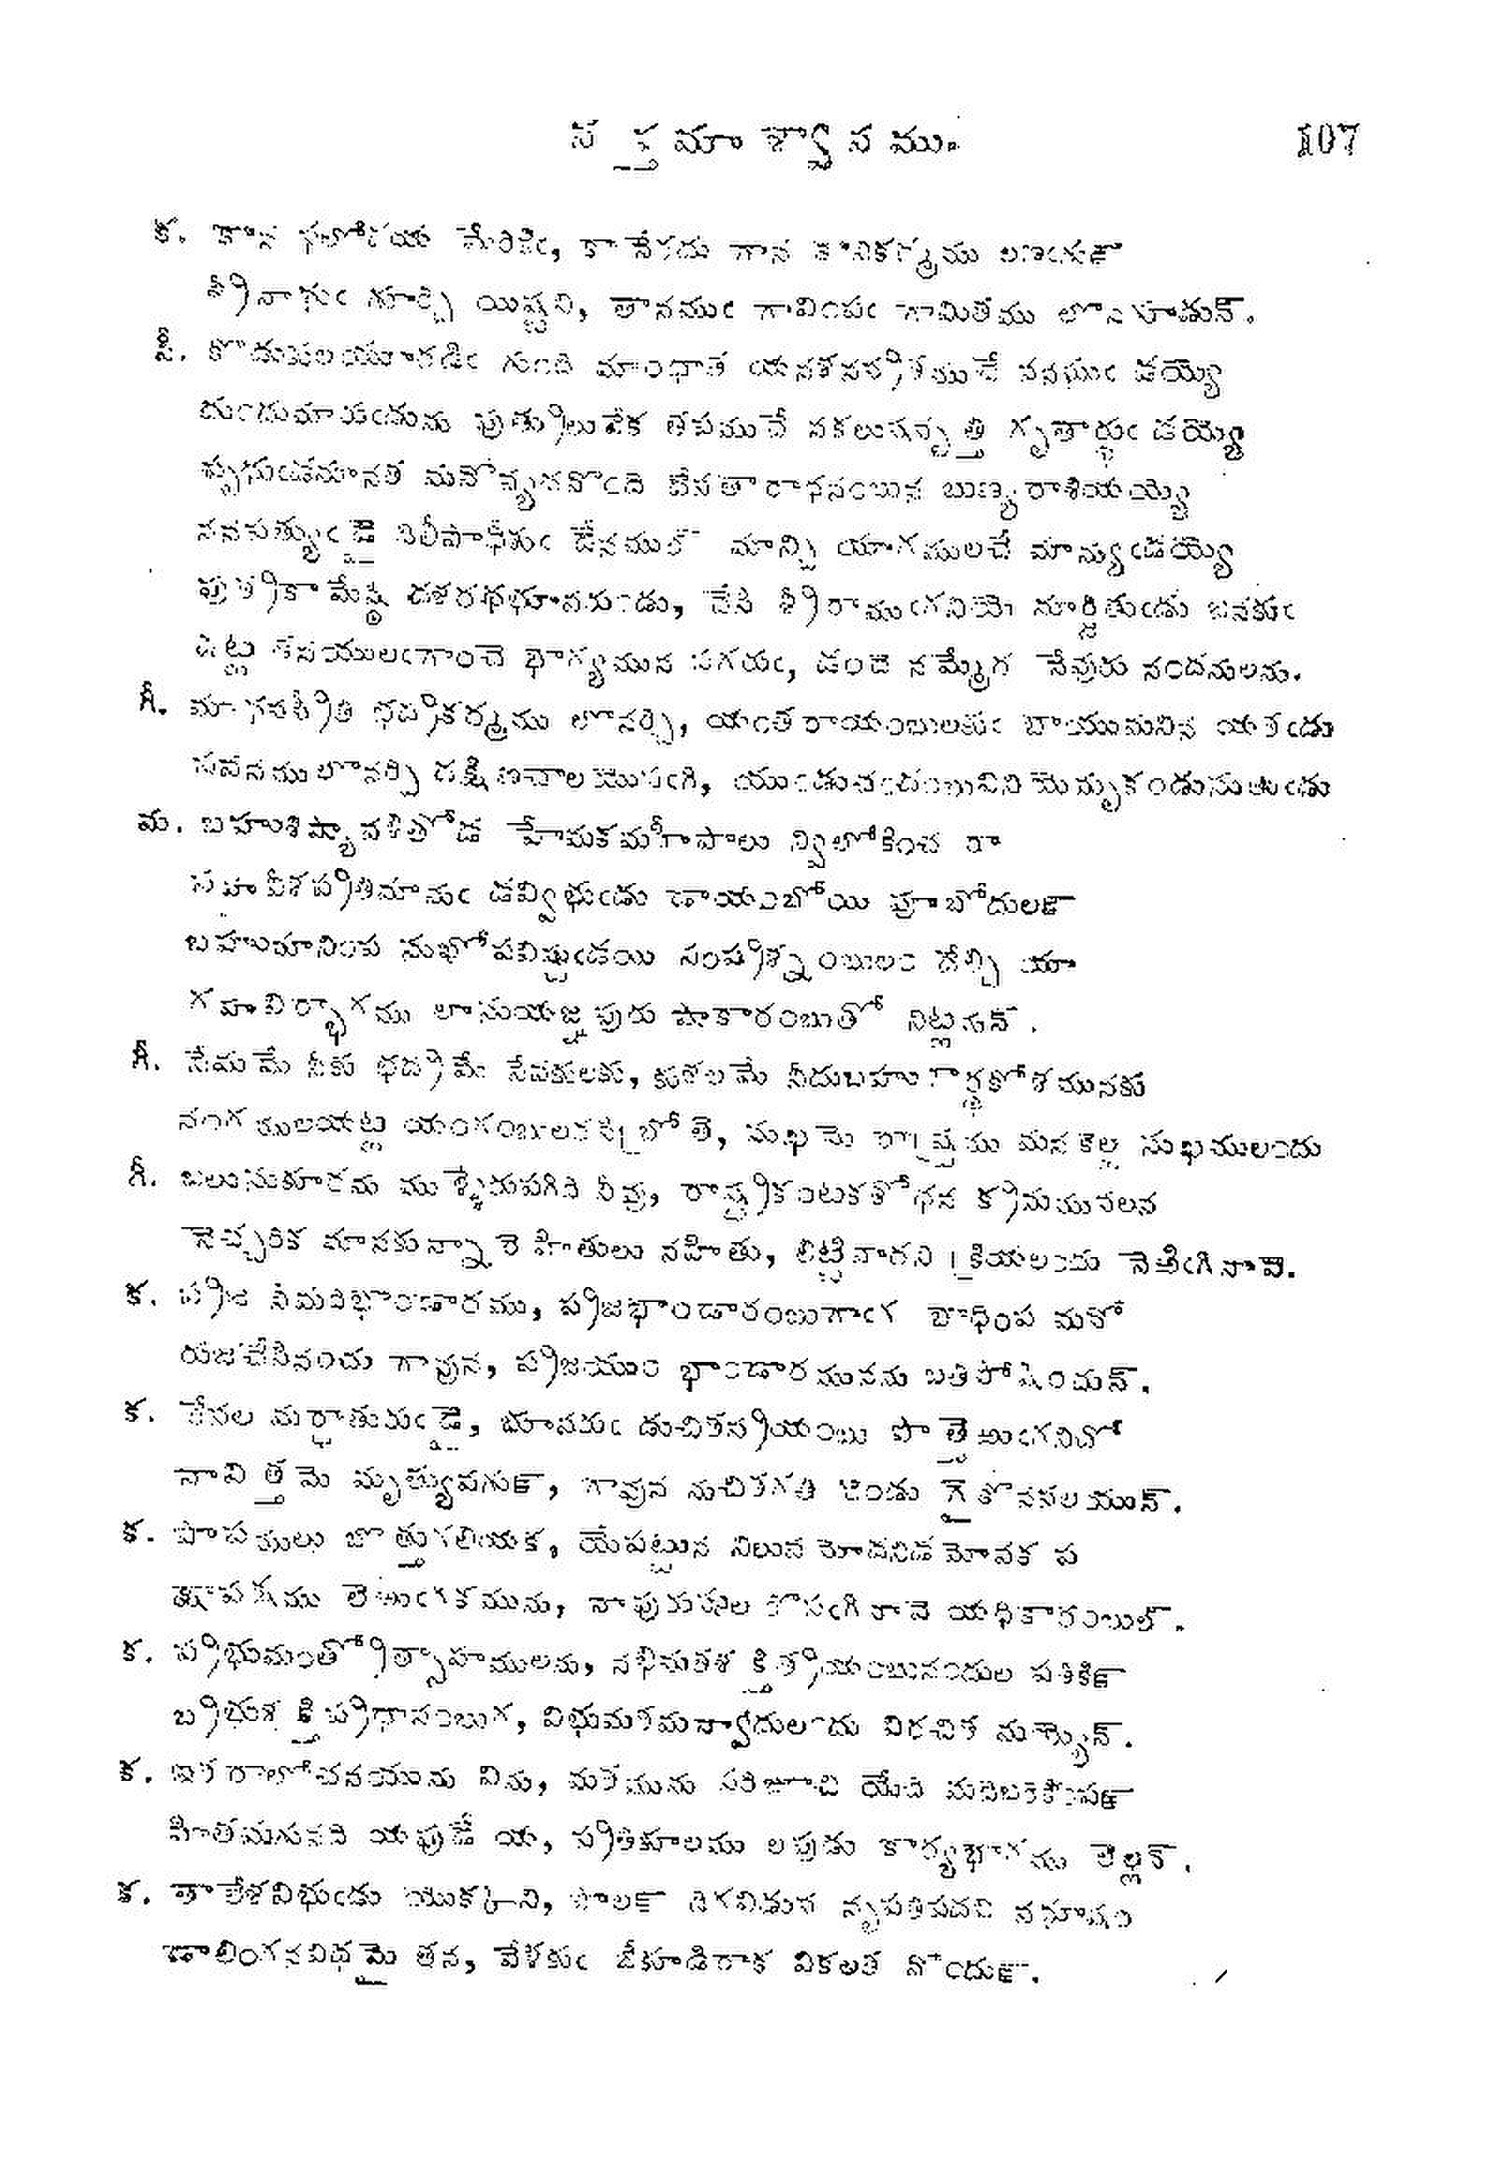క. కాన ఫలోదయ మేరికిఁ, కానేరదు గాన కానికర్మము లణఁగున్
 శ్రీనాథుఁ గూర్చి యిష్టవి, తానముఁ గావింపఁ గామితము లొనగూడున్.
సీ. కొడుకులయూరడిఁ గుంది మాంధాత యనశనవ్రతముచే ననఘుఁ డయ్యె
 దుందుమారుఁడును పుత్రులులేక తపముచే నకలుషవృత్తి గృతార్థుఁ డయ్యె
 పృథుఁ డనూనత మనోవ్యథ నొంది దేవతారాధనంబున బుణ్యరాశి యయ్యె
 ననపత్యుఁడై దిలీపాధీశుఁ డేనముల్ మాన్చి యాగములచే మాన్యుఁ డయ్యె
 పుత్రకామేష్ఠి దశరథభూవరుండు, చేసి శ్రీరాముఁ గనియె నూర్జితుఁడు జనకుఁ
 డట్ల తనయులఁ గాంచె భాగ్యమున సగరుఁ, డందె నమ్మేర నేవురు నందనులను.
గీ. మాధవప్రీతి భద్రకర్మము లొనర్చి, యంతరాయంబులకు బాయుమనిన యతఁడు
 సవనము లొనర్చి దక్షిణ చాల యొసఁగి, యుండుచందంబు వినియె మృకండుసుతుఁడు.
మ. బహుశిష్యావళితోడ హేమకమహీపాలు న్విలోకించ రా
 సహవీశప్రతిమానుఁ డవ్విభుఁడు డాయంబోయి పూబోదులన్
 బహుమానింప సుఖోపవిష్ఠుఁడయి సంపశ్నంబులం దేల్చి యా
 గహవిర్భాగము లాసుయజ్ఞపురుషాకారంబుతో నిట్లనున్.
గీ. సేమమే నీకు భద్రమే సేవకులకు, కుశలమే నీదుబహుళార్థకోశమునకు
 నంగములయట్ల యంగంబు లరసిబ్రోతె, సుఖమె రాష్ట్రము మనకెల్ల సుఖములందు.
గీ. బలుసుకూరను ముళ్ళేరుపగిది నీవు, రాష్ట్రకంటకశోధనక్రమమువలన
 నెచ్చరిక మానకున్నారె హితులు నహితు, లిట్టివారని క్రియలందు నెఱిఁగినావె.
క. ప్రజ నీమదిభాండారము, ప్రజభాండారంబుగాఁగ బాధింప మనో
 రుజచేసినంచు గావున, ప్రజయుం భాండారమునను బతిపోషించున్.
క. కేవల మర్థాతురుఁడై, భూవరుఁ డుచితవ్రయంబు పొత్తెఱుఁగనిచో
 నావిత్తమె మృత్యువగున్, గావున నుచితగతి రెండు గైకొనవలయున్.
క. పాపములు బొత్తుగలియక, యేపట్టున నిలువ మోదనిడ మోపక ప
 క్షాపక్షము లెఱుఁగకమును, నా పురుషుల కొసఁగినావె యధికారంబుల్.
క. ప్రభుమంత్రోత్సాహములను, నభిమతశక్తిత్రయంబునందుల పతికిన్
 బ్రభుశక్తి ప్రధానంబుగ, విభుమతమన్వాదులందు విరచిత మయ్యెన్.
క. ఇతరాలోచనయును విను, మతమును సరిజూచి యేది మది బరికింపన్
 హిత మగునది యపుడే య, ప్రతికూలము లపుడు కార్యభాగము లెల్లన్.
క. తాలేశవిభుఁడు యొక్కని, పాలన్ దిగవిడువ నృపతిపదవి వధూషం
 డాలింగనవిధమై తన, వేళకుఁ జేకూడిరాక వికలత నొందున్.